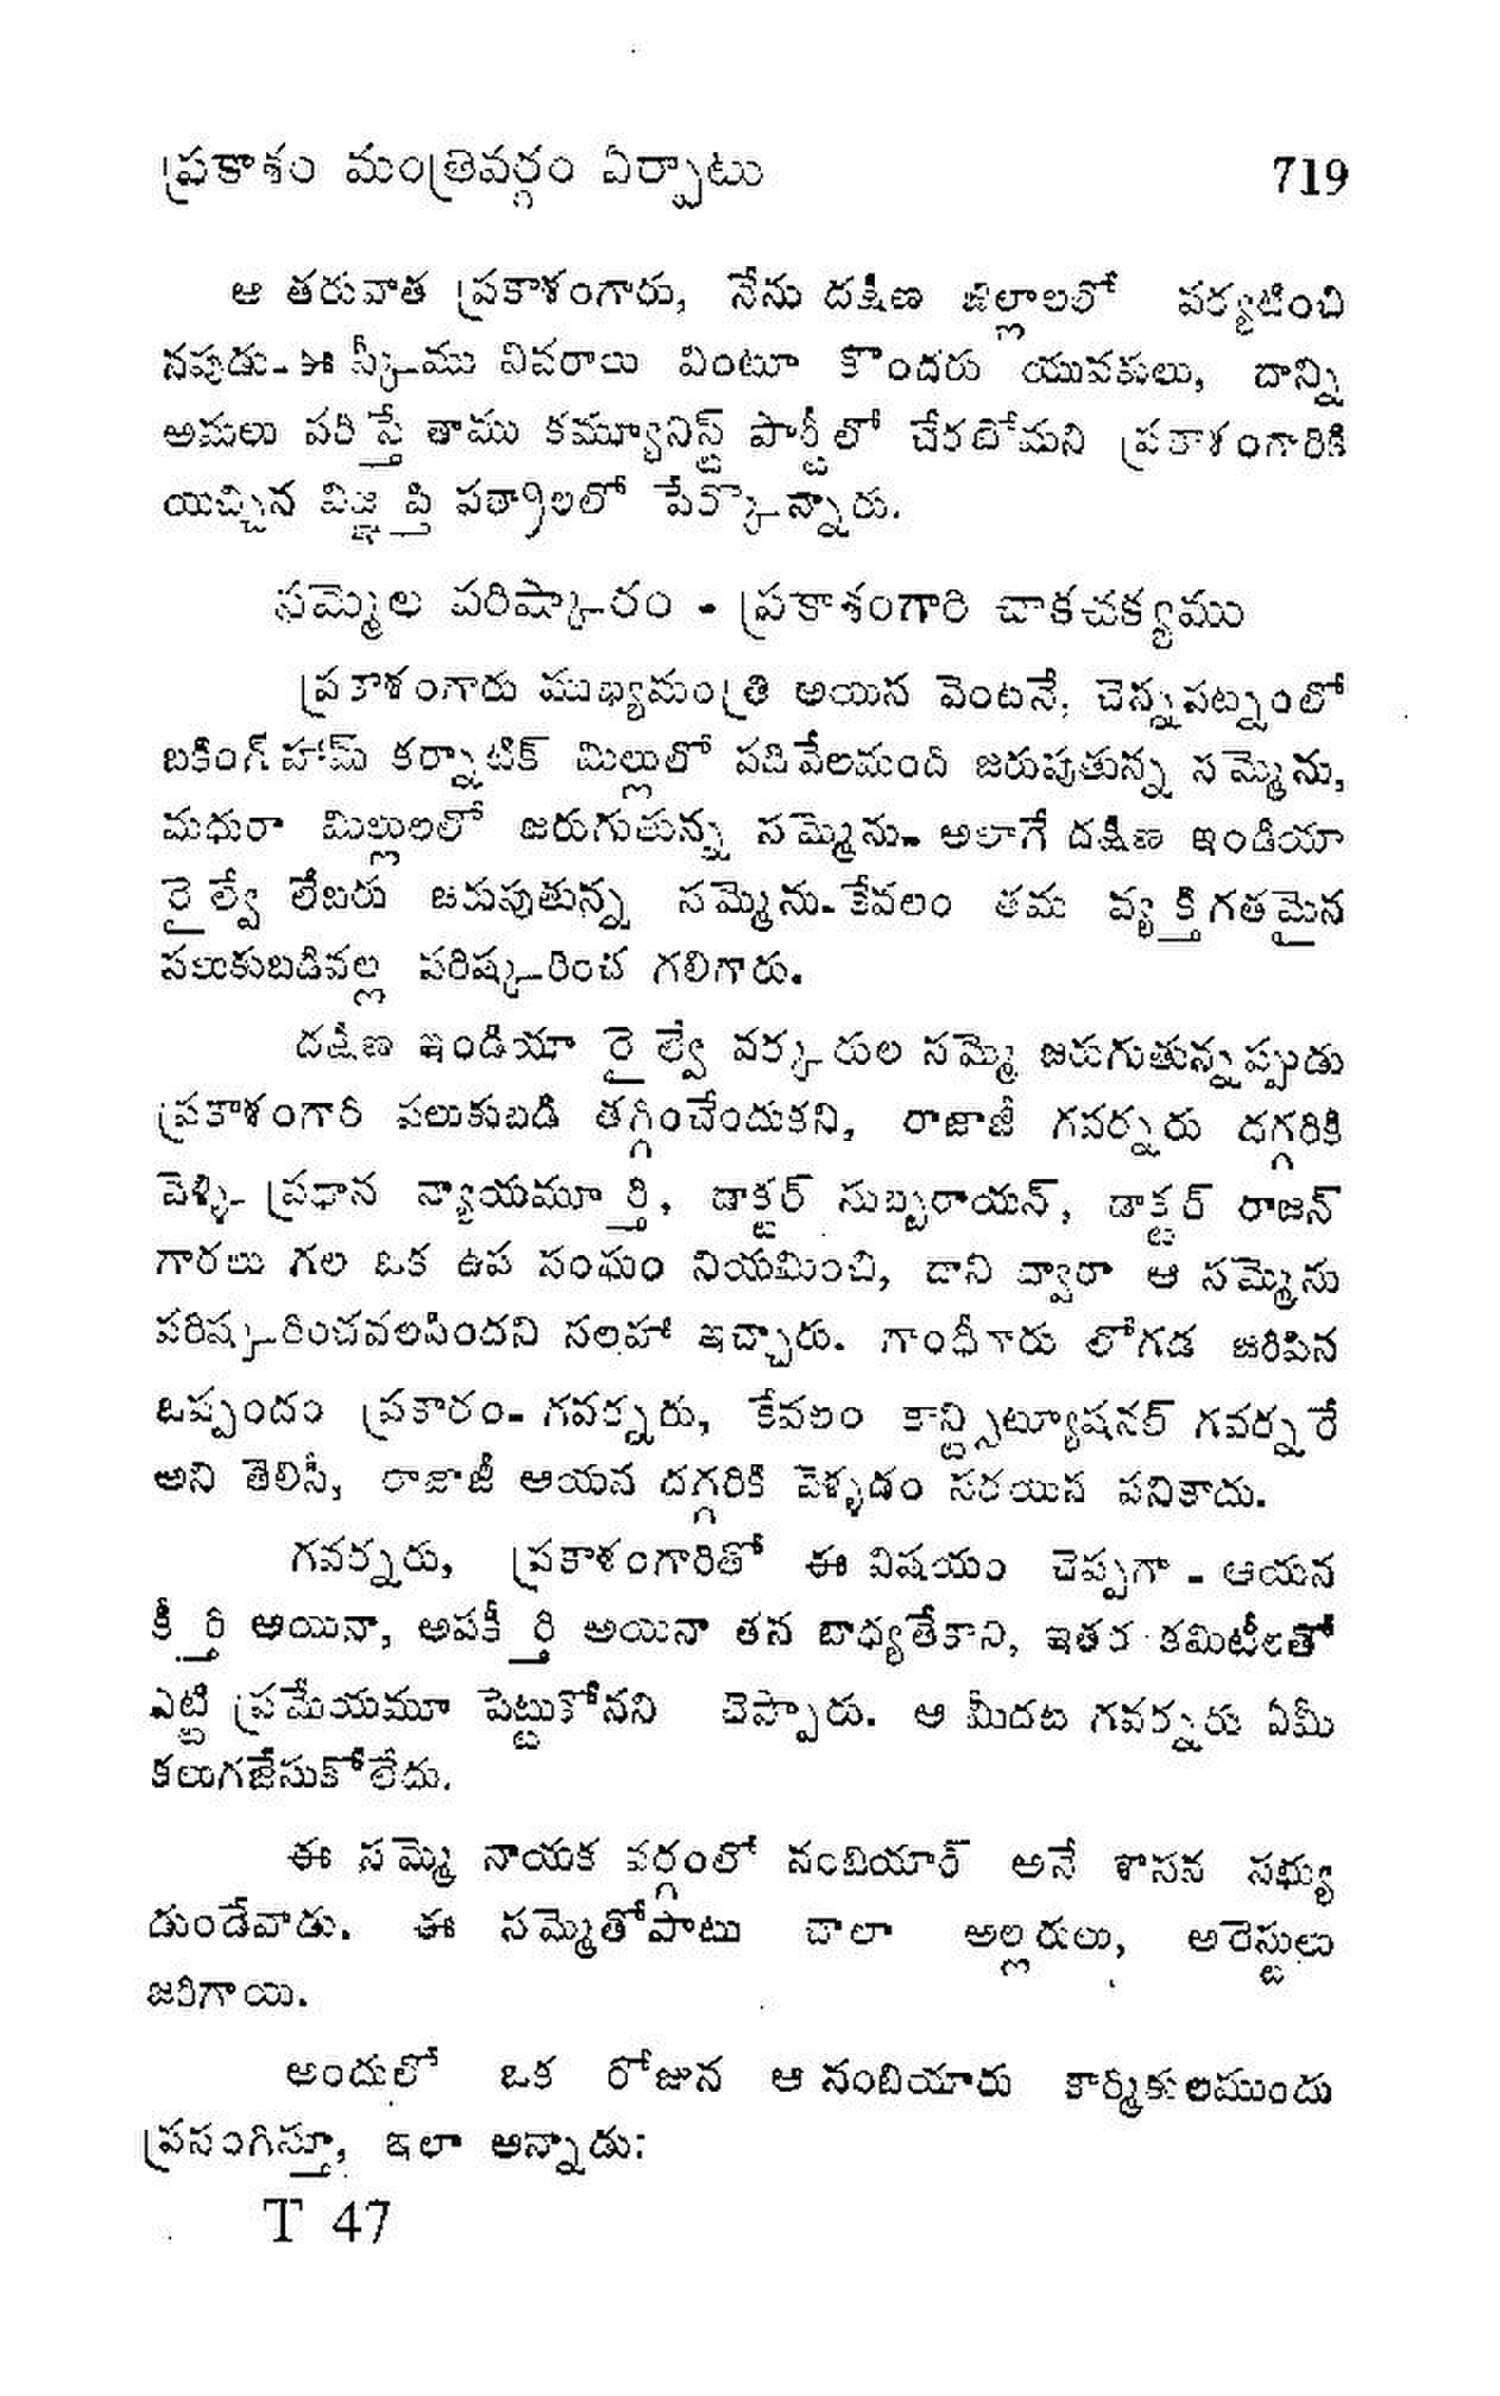ఆ తరువాత ప్రకాశంగారు, నేను దక్షిణ జిల్లాలలో పర్యటించినపుడు - ఈ స్కీము వివరాలు వింటూ కొందరు యువకులు, దాన్ని అమలు పరిస్తే తాము కమ్యూనిస్ట్ పార్టీలో చేరబోమని ప్రకాశంగారికి యిచ్చిన విజ్ఞప్తి పత్రాలలో పేర్కొన్నారు.

ప్రకాశంగారు ముఖ్యమంత్రి అయిన వెంటనే, చెన్నపట్నంలో బకింగ్ హామ్ కర్నాటిక్ మిల్లులో పదివేలమంది జరుపుతున్న సమ్మెను, మధురా మిల్లులలో జరుగుతున్న సమ్మెను- అలాగే దక్షిణ ఇండియా రైల్వే లేబరు జరుపుతున్న సమ్మెను - కేవలం తమ వ్యక్తిగతమైన పలుకుబడివల్ల పరిష్కరించ గలిగారు.

దక్షిణ ఇండియా రైల్వే వర్కరుల సమ్మె జరుగుతున్నప్పుడు ప్రకాశంగారి పలుకుబడి తగ్గించేందుకని, రాజాజీ గవర్నరు దగ్గరికి వెళ్ళి-ప్రధాన న్యాయమూర్తి, డాక్టర్ సుబ్బరాయన్, డాక్టర్ రాజన్ గారలు గల ఒక ఉప సంఘం నియమించి, దాని ద్వారా ఆ సమ్మెను పరిష్కరించవలసిందని సలహా ఇచ్చారు. గాంధీగారు లోగడ జరిపిన ఒప్పందం ప్రకారం-గవర్నరు, కేవలం కాన్ట్సిట్యూషనల్ గవర్నరే అని తెలిసీ, రాజాజీ ఆయన దగ్గరికి వెళ్ళడం సరయిన పనికాదు.

గవర్నరు, ప్రకాశంగారితో ఈ విషయం చెప్పగా - ఆయనకీర్తి అయినా, అపకీర్తి అయినా తన బాధ్యతేకాని, ఇతర కమిటీలతో ఎట్టి ప్రమేయమూ పెట్టుకోనని చెప్పారు. ఆ మీదట గవర్నరు ఏమీ కలుగజేసుకోలేదు.

ఈ సమ్మె నాయక వర్గంలో నంబియార్ అనే శాసన సభ్యుడుండేవాడు. ఈ సమ్మెతోపాటు చాలా అల్లరులు, అరెస్టులు జరిగాయి.

అందులో ఒక రోజున ఆ నంబియారు కార్మికులముందు ప్రసంగిస్తూ, ఇలా అన్నాడు: